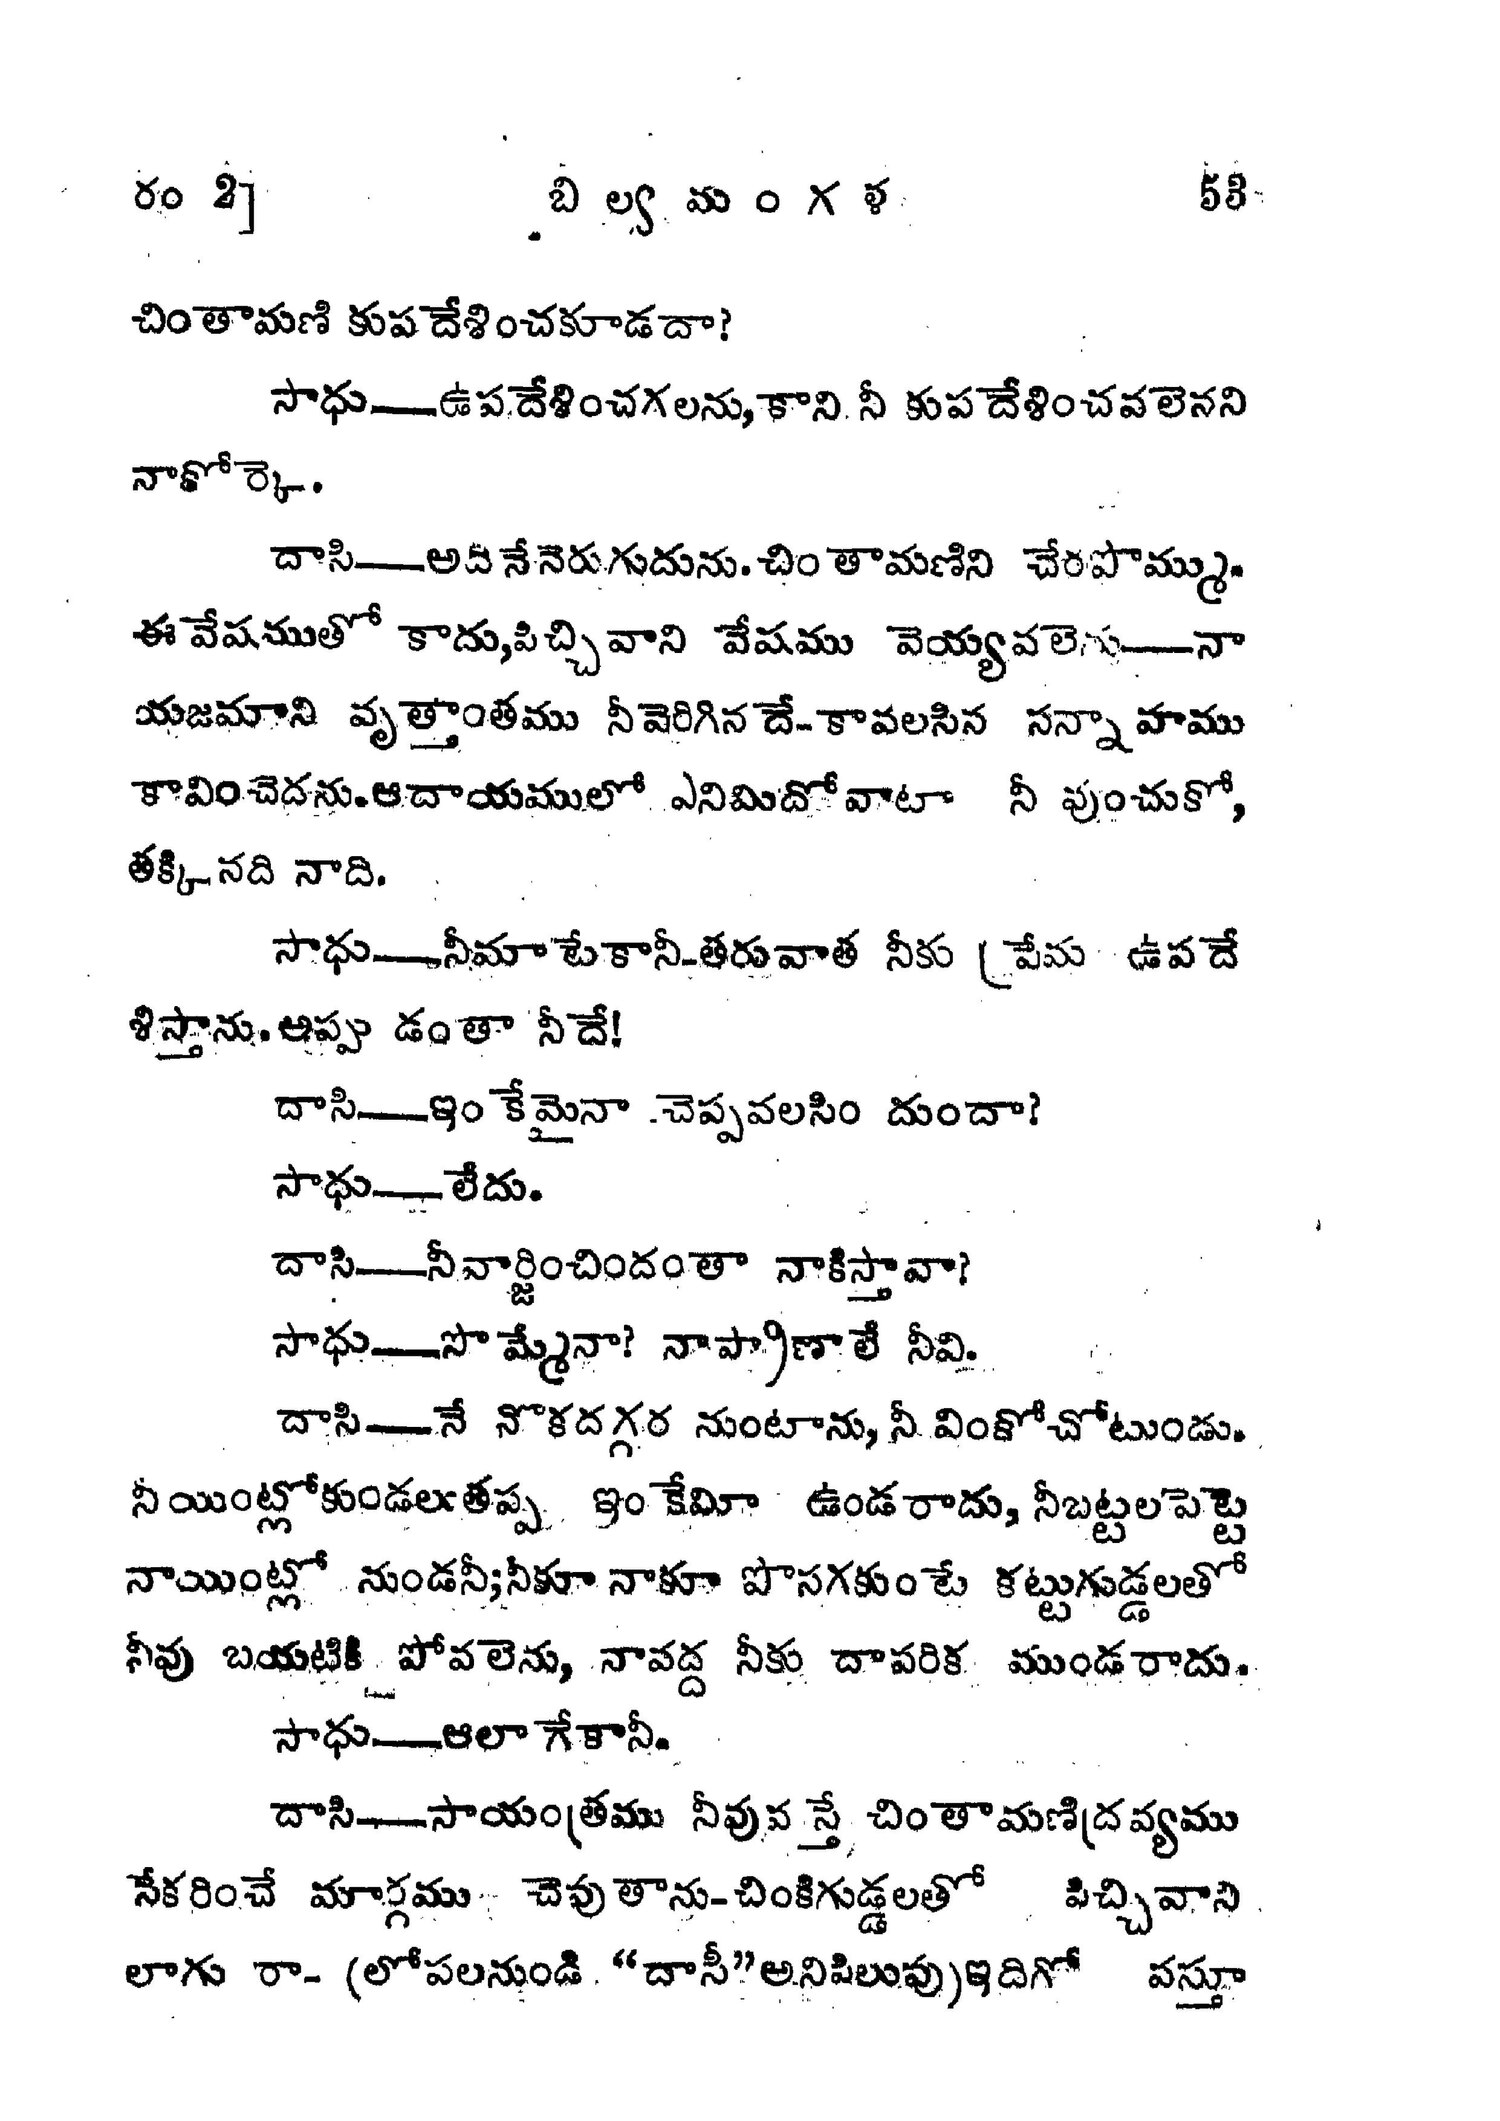చింతామణి కుపదేశించకూడదా?

సాధు - ఉపదేశించగలను, కాని నీ కుపదేశించవలెనని నాకోర్కె.

దాసి - అదినేనెరుగుదును. చింతామణిని చేరపొమ్ము. ఈవేషముతో కాదు, పిచ్చివాని వేషము వెయ్యవలెను - నా యజమాని వృత్తాంతము నీవెరిగినదే-కావలసిన సన్నాహము సన్నాహము కావించెదను. ఆదాయములో ఎనిమిదోవాటా నీ వుంచుకో, తక్కినది నాది.

సాధు - నీమాటేకానీ-తరువాత నీకు ప్రేమ ఉపదేశిస్తాను. అప్పు డంతా నీదే!

దాసి - ఇం కేమైనా చెప్పవలసిం దుందా?

సాధు - లేదు.

దాసి - నీవార్జించిందంతా నాకిస్తావా?

సాధు - సొమ్మేనా? నాప్రాణాలే నీవి.

దాసి - నే నొకదగ్గర నుంటాను, నీ వింకోచోటుండు. నీ యింట్లోకుండలుతప్ప ఇంకేమీ ఉండరాదు, నీబట్టలపెట్టె నాయింట్లో నుండనీ; నీకూ నాకూ పొసగకుంటే కట్టుగుడ్డలతో నీవు బయటికి పోవలెను, నా వద్ద నీకు దాపరిక ముండరాదు.

సాధు - ఆలాగేకానీ.

దాసి - సాయంత్రము నీవువస్తే చింతామణిద్రవ్యము సేకరించే మార్గము చెపుతాను-చింకిగుడ్డలతో పిచ్చివాని లాగు రా- (లోపలనుండి "దాసీ" అనిపిలువు) ఇదిగో వస్తూ